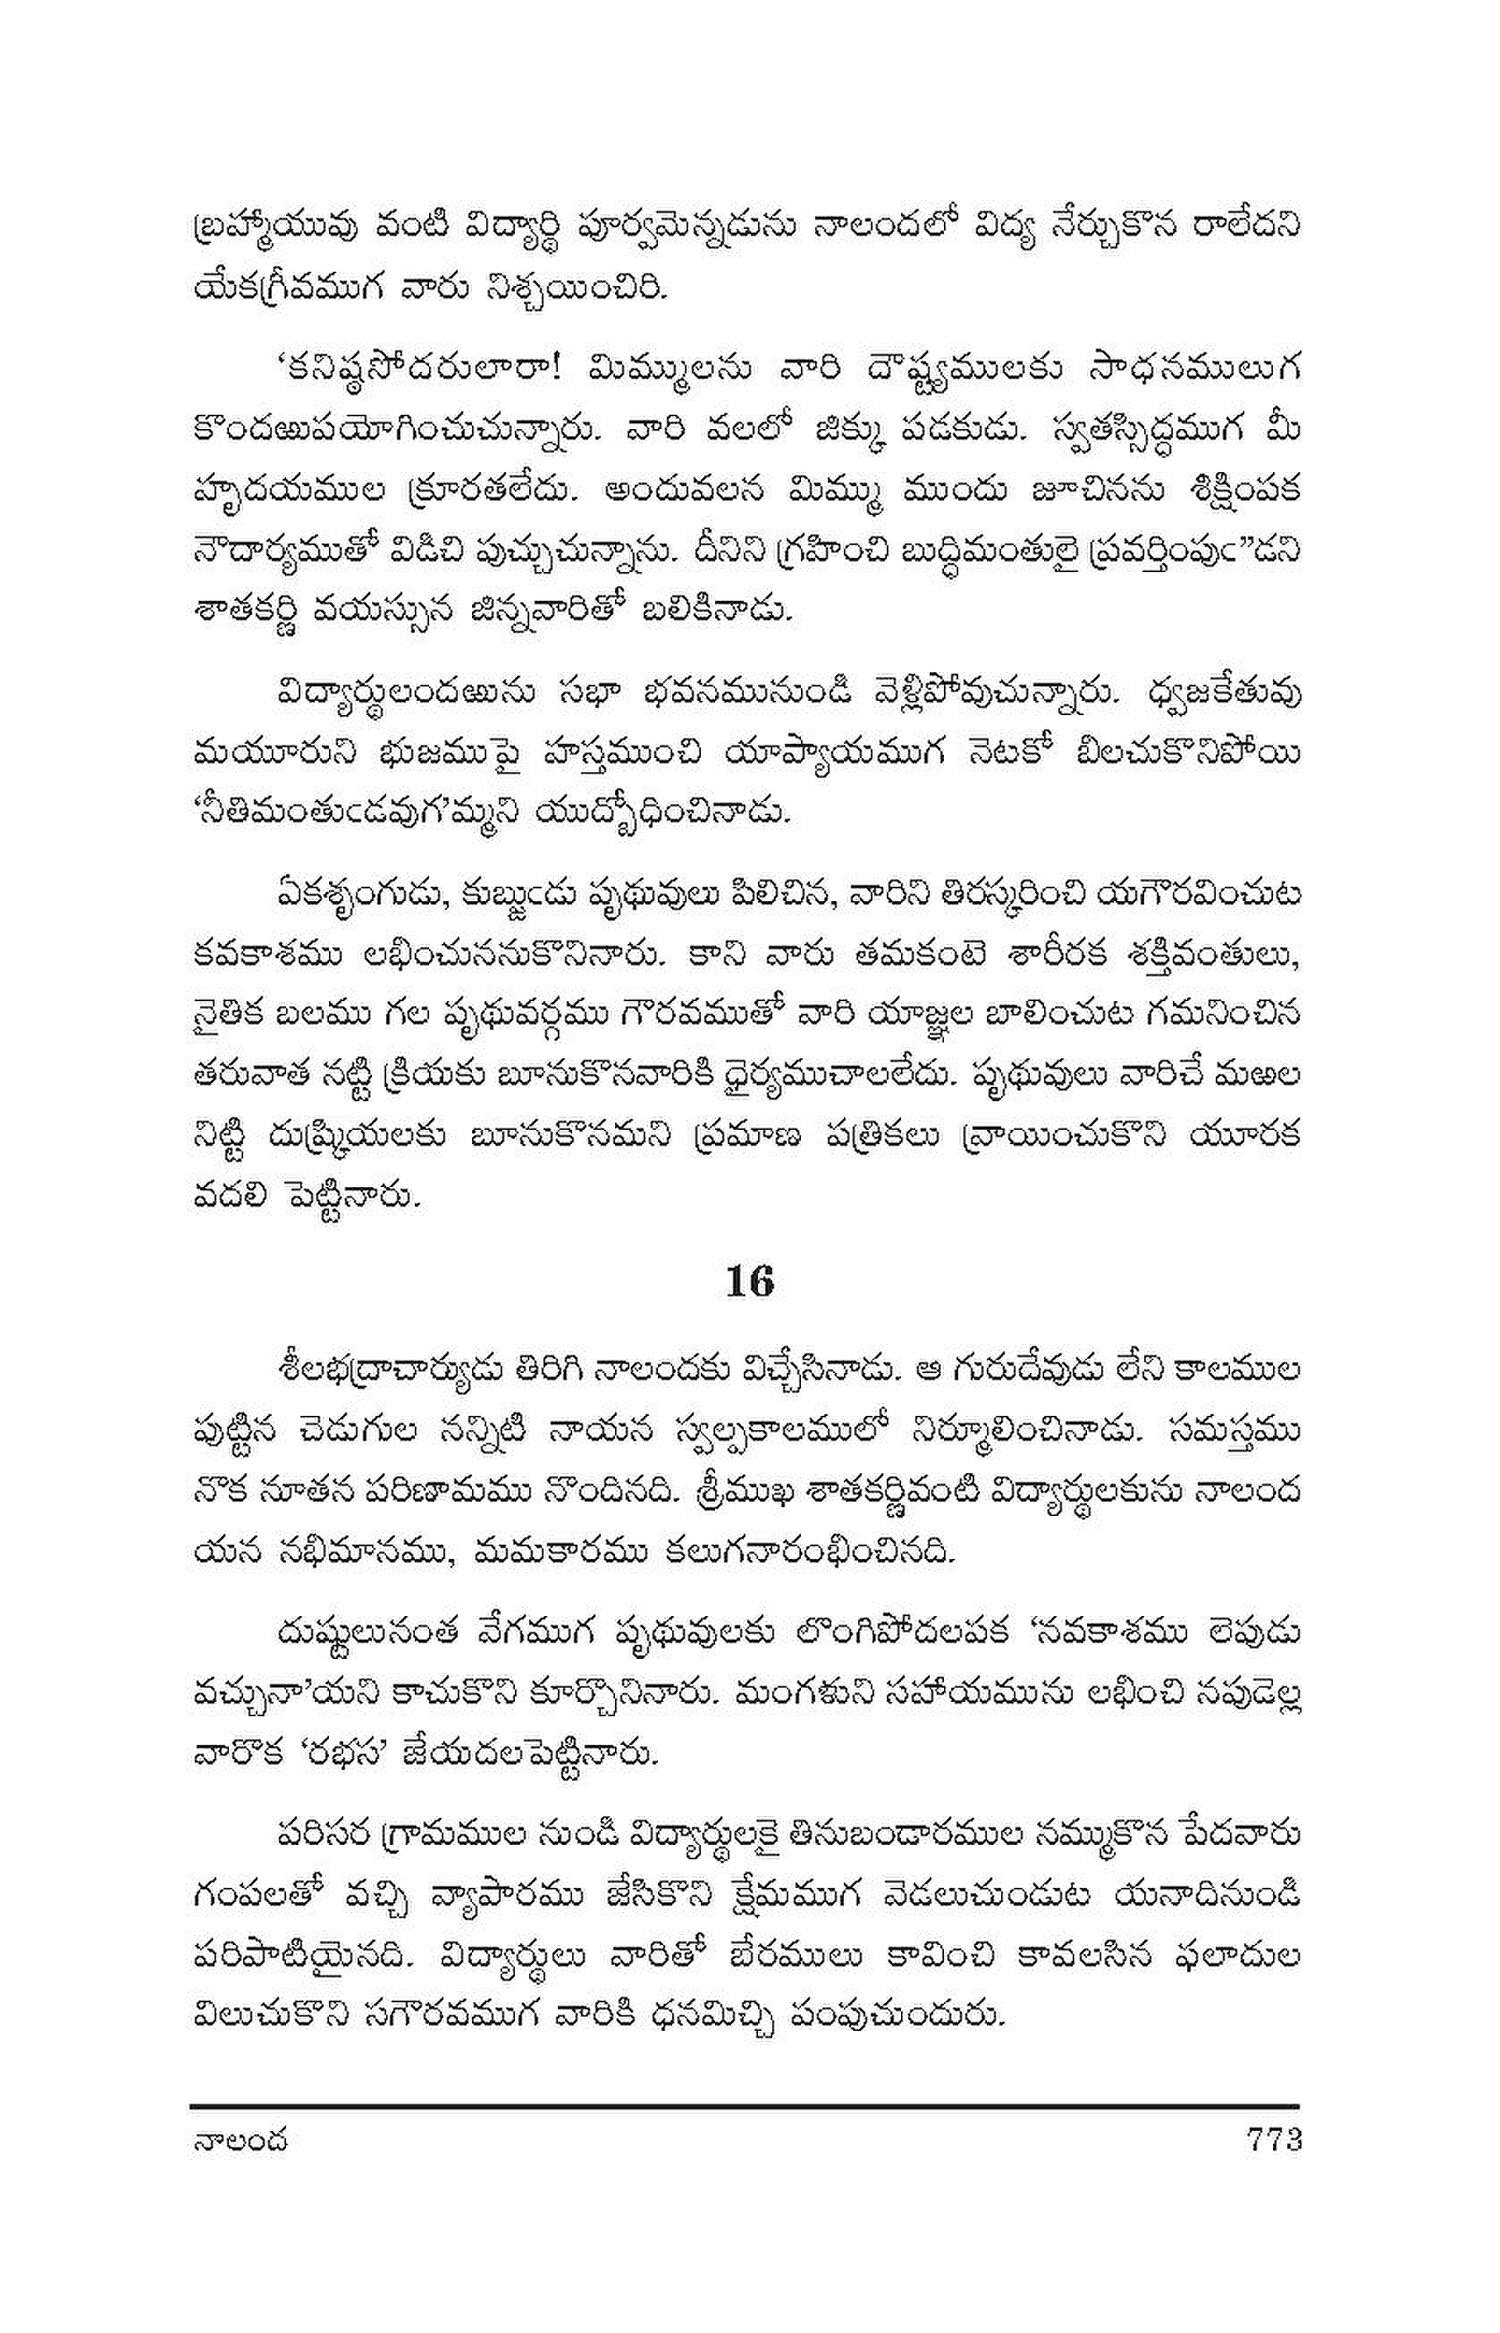బ్రహ్మాయువు వంటి విద్యార్థి పూర్వమెన్నడును నాలందలో విద్య నేర్చుకొన రాలేదని యేకగ్రీవముగ వారు నిశ్చయించిరి.

'కనిష్ఠ సోదరులారా! మిమ్ములను వారి దౌష్ట్యములకు సాధనములుగ కొందఱుపయోగించుచున్నారు. వారి వలలో జిక్కు పడకుడు. స్వతస్సిద్ధముగ మీ హృదయముల క్రూరతలేదు. అందువలన మిమ్ము ముందు జూచినను శిక్షింపక
నౌదార్యముతో విడిచి పుచ్చుచున్నాను. దీనిని గ్రహించి బుద్ధిమంతులై ప్రవర్తింపుఁ"డని శాతకర్ణి వయస్సున జిన్నవారితో బలికినాడు.

విద్యార్థులందఱును సభా భవనమునుండి వెళ్లిపోవుచున్నారు. ధ్వజకేతువు మయూరుని భుజముపై హస్తముంచి యాప్యాయముగ నెటకో బిలచుకొనిపోయి 'నీతిమంతుఁడవు గమ్మని యుద్బోధించినాడు.

ఏకశృంగుడు, కుబ్జుఁడు పృథువులు పిలిచిన, వారిని తిరస్కరించి యగౌరవించుట
కవకాశము లభించుననుకొనినారు. కాని వారు తమకంటే శారీరక శక్తివంతులు,
నైతిక బలము గల పృథువర్గము గౌరవముతో వారి యాజ్ఞల బాలించుట గమనించిన
తరువాత నట్టి క్రియకు బూనుకొనవారికి ధైర్యముచాలలేదు. పృథువులు వారిచే మఱల
నిట్టి దుష్క్రియలకు బూనుకొనమని ప్రమాణ పత్రికలు వ్రాయించుకొని యూరక
వదలి పెట్టినారు.

శీలభద్రాచార్యుడు తిరిగి నాలందకు విచ్చేసినాడు. ఆ గురుదేవుడు లేని కాలముల పుట్టిన చెడుగుల నన్నిటి నాయన స్వల్పకాలములో నిర్మూలించినాడు. సమస్తము నొక నూతన పరిణామము నొందినది. శ్రీముఖ శాతకర్ణివంటి విద్యార్థులకును నాలంద యన నభిమానము, మమకారము కలుగనారంభించినది.

దుష్టులునంత వేగముగ పృథువులకు లొంగిపోదలపక 'నవకాశము లెపుడు వచ్చునా'యని కాచుకొని కూర్చొనినారు. మంగళుని సహాయమును లభించి నపుడెల్ల వారొక 'రభస' జేయదలపెట్టినారు.

పరిసర గ్రామముల నుండి విద్యార్థులకై తినుబండారముల నమ్ముకొన పేదవారు గంపలతో వచ్చి వ్యాపారము జేసికొని క్షేమముగ వెడలుచుండుట యనాదినుండి పరిపాటియైనది. విద్యార్థులు వారితో బేరములు కావించి కావలసిన ఫలాదుల
విలుచుకొని సగౌరవముగ వారికి ధనమిచ్చి పంపుచుందురు.